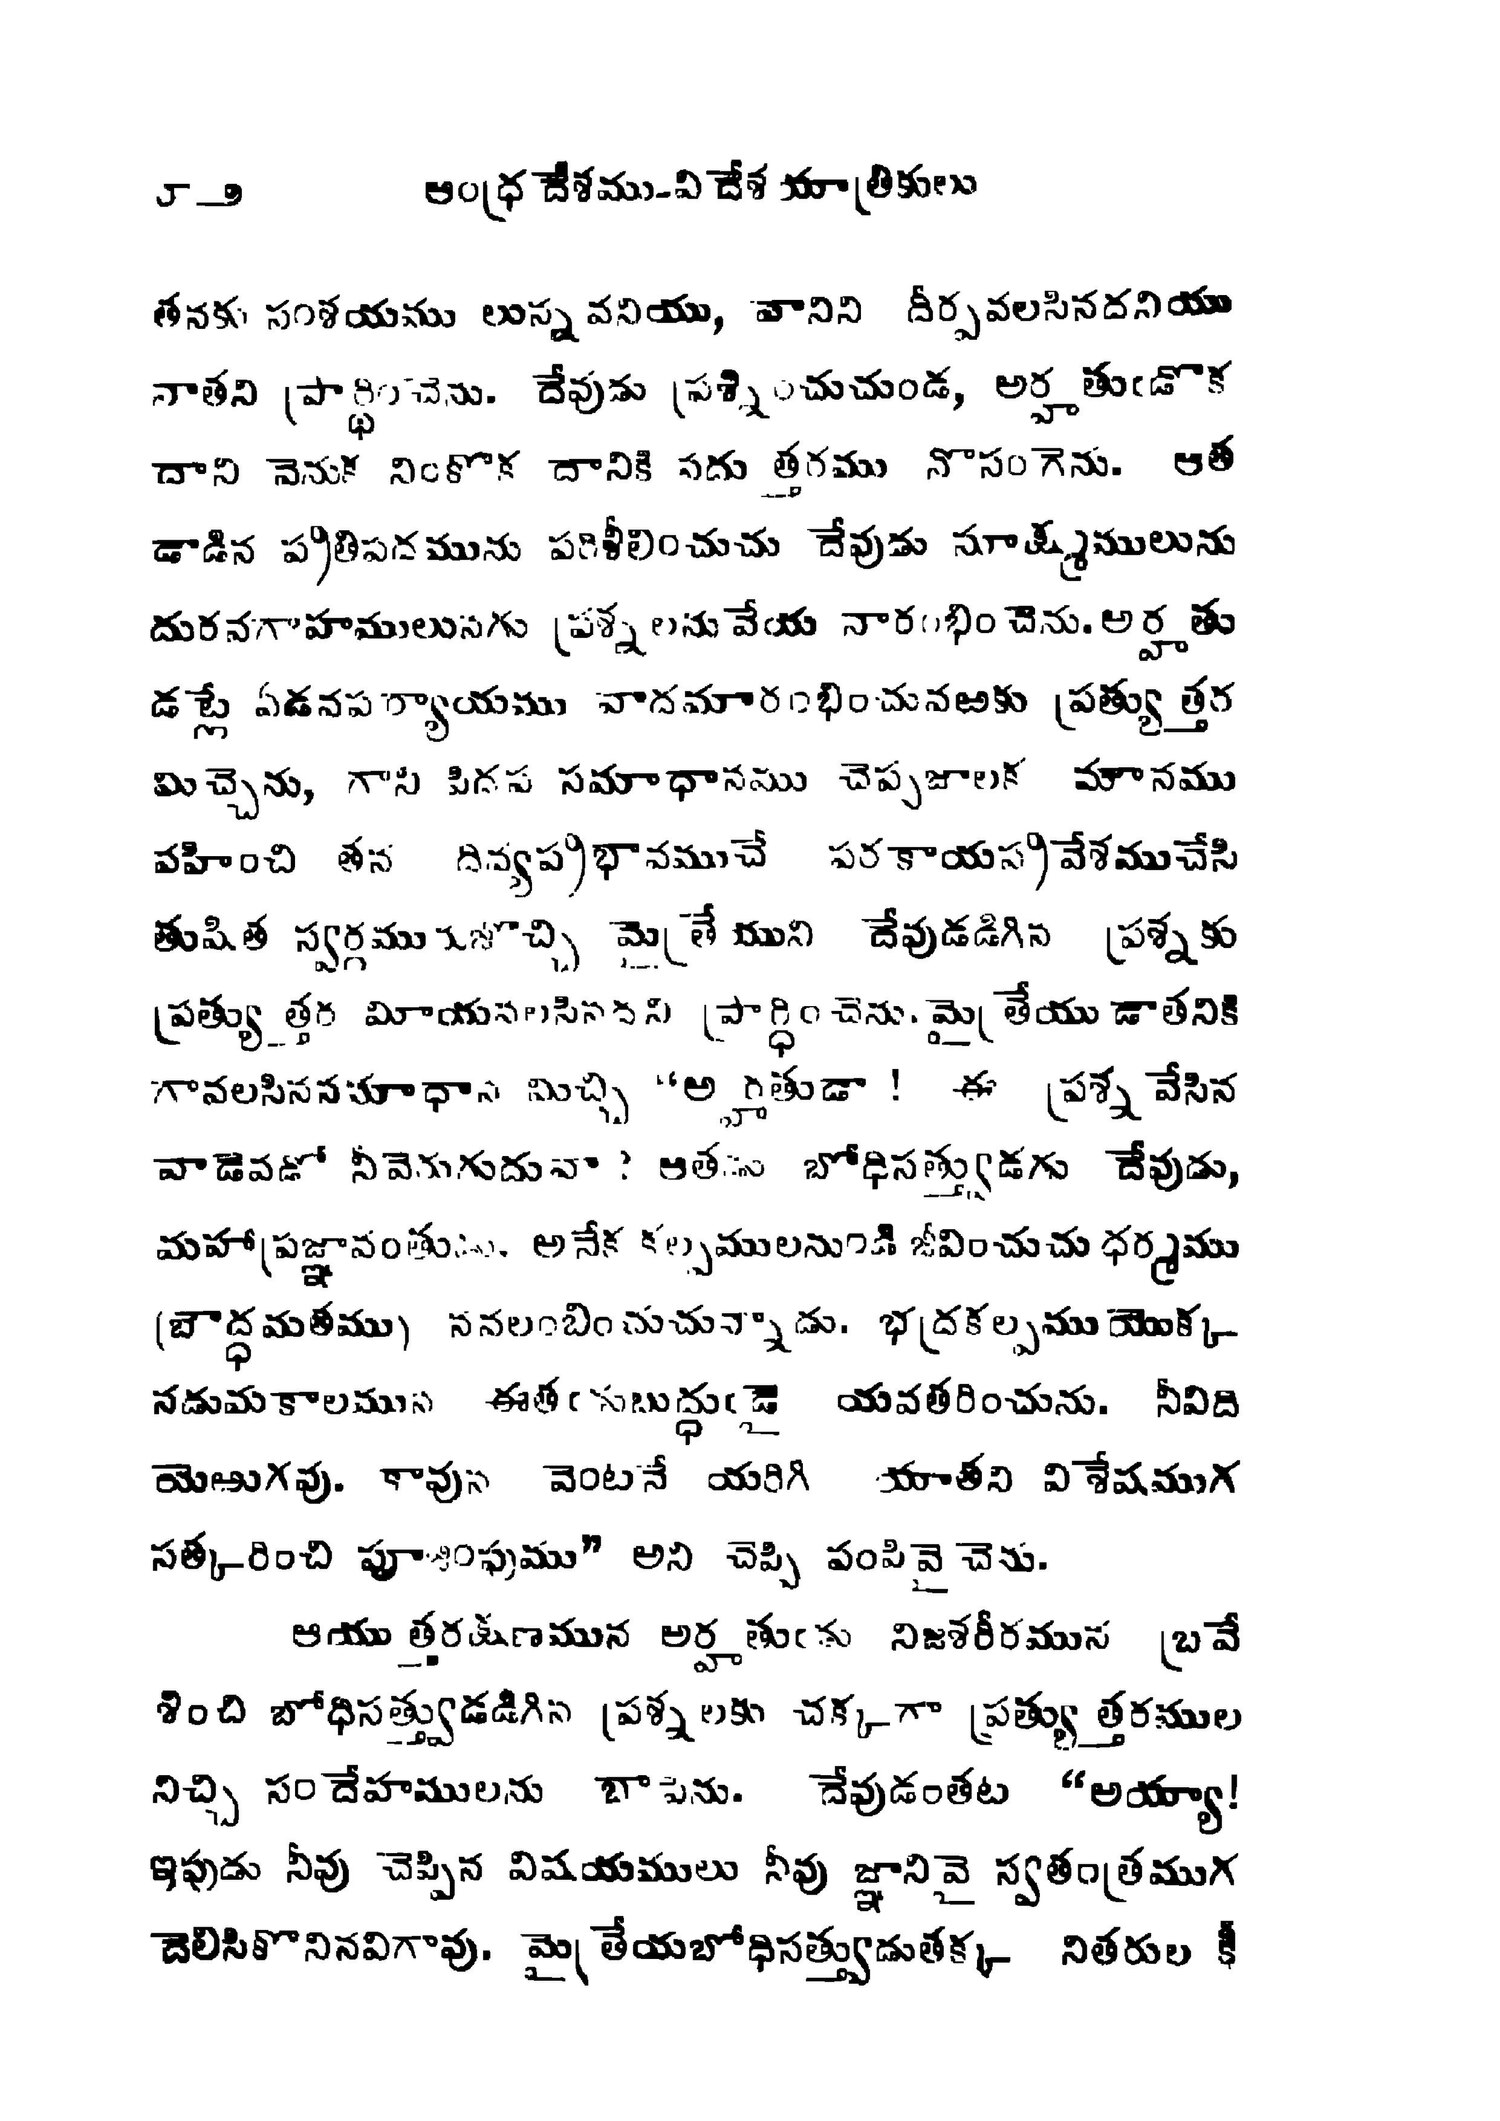తనకు సంశయము లున్నవనియు, వానిని దీర్పవలసినదనియు నాతని ప్రార్థించెను. దేవుడు ప్రశ్నించుచుండ, అర్హతుడొక దాని వెనుక నింకొక దానికి సదుత్తరము నొసంగెను. ఆతడాడిన ప్రతిపదమును పరిశీలించుచు దేవుడు సూక్ష్మములును దురవగాహములునగు ప్రశ్నలనువేయ నారంభించెను. అర్హతుడట్లే ఏడవ పర్యాయము వాదమారంభించు వఱకు ప్రత్యుత్తరమిచ్చెను, గాని పిదప సమాధానము చెప్పజాలక మౌనము వహించి తన దివ్యప్రభావముచే పరకాయ ప్రవేశముచేసి తుషిత స్వర్గమును జొచ్చి మైత్రేయుని దేవుడడిగిన ప్రశ్నకు ప్రత్యుత్తర మీయవలసినదని ప్రార్థించెను. మైత్రేయుడాతనికి గావలసిన సమాధాన మిచ్చి "అర్హతుడా! ఈ ప్రశ్నవేసిన వాడెవడో నీవెరుగుదువా? ఆతడు బోధిసత్త్వుడగు దేవుడు, మహాప్రజ్ఞావంతుడు. అనేక కల్పములనుండి జీవించుచు ధర్మము (బౌద్ధమతము) నవలంబించుచున్నాడు. భద్రకల్పముయొక్క నడుమ కాలమున ఈతడు బుద్ధుడై యవతరించును. నీవిది యెఱుగవు. కావున వెంటనే యరిగి యాతని విశేషముగ సత్కరించి పూజింపుము" అని చెప్పి పంపివైచెను.

ఆయుత్తర క్షణమున అర్హతుడు నిజశరీరమున బ్రవేశించి బోధిసత్త్వుడడిగిన ప్రశ్నలకు చక్కగా ప్రత్యుత్తరముల నిచ్చి సందేహములను బాపెను. దేవుడంతట "అయ్యా! ఇపుడు నీవు చెప్పిన విషయములు నీవు జ్ఞానివై స్వతంత్రముగ దెలిసికొనినవిగావు. మైత్రేయబోధిసత్త్వుడుతక్క నితరుల కీ